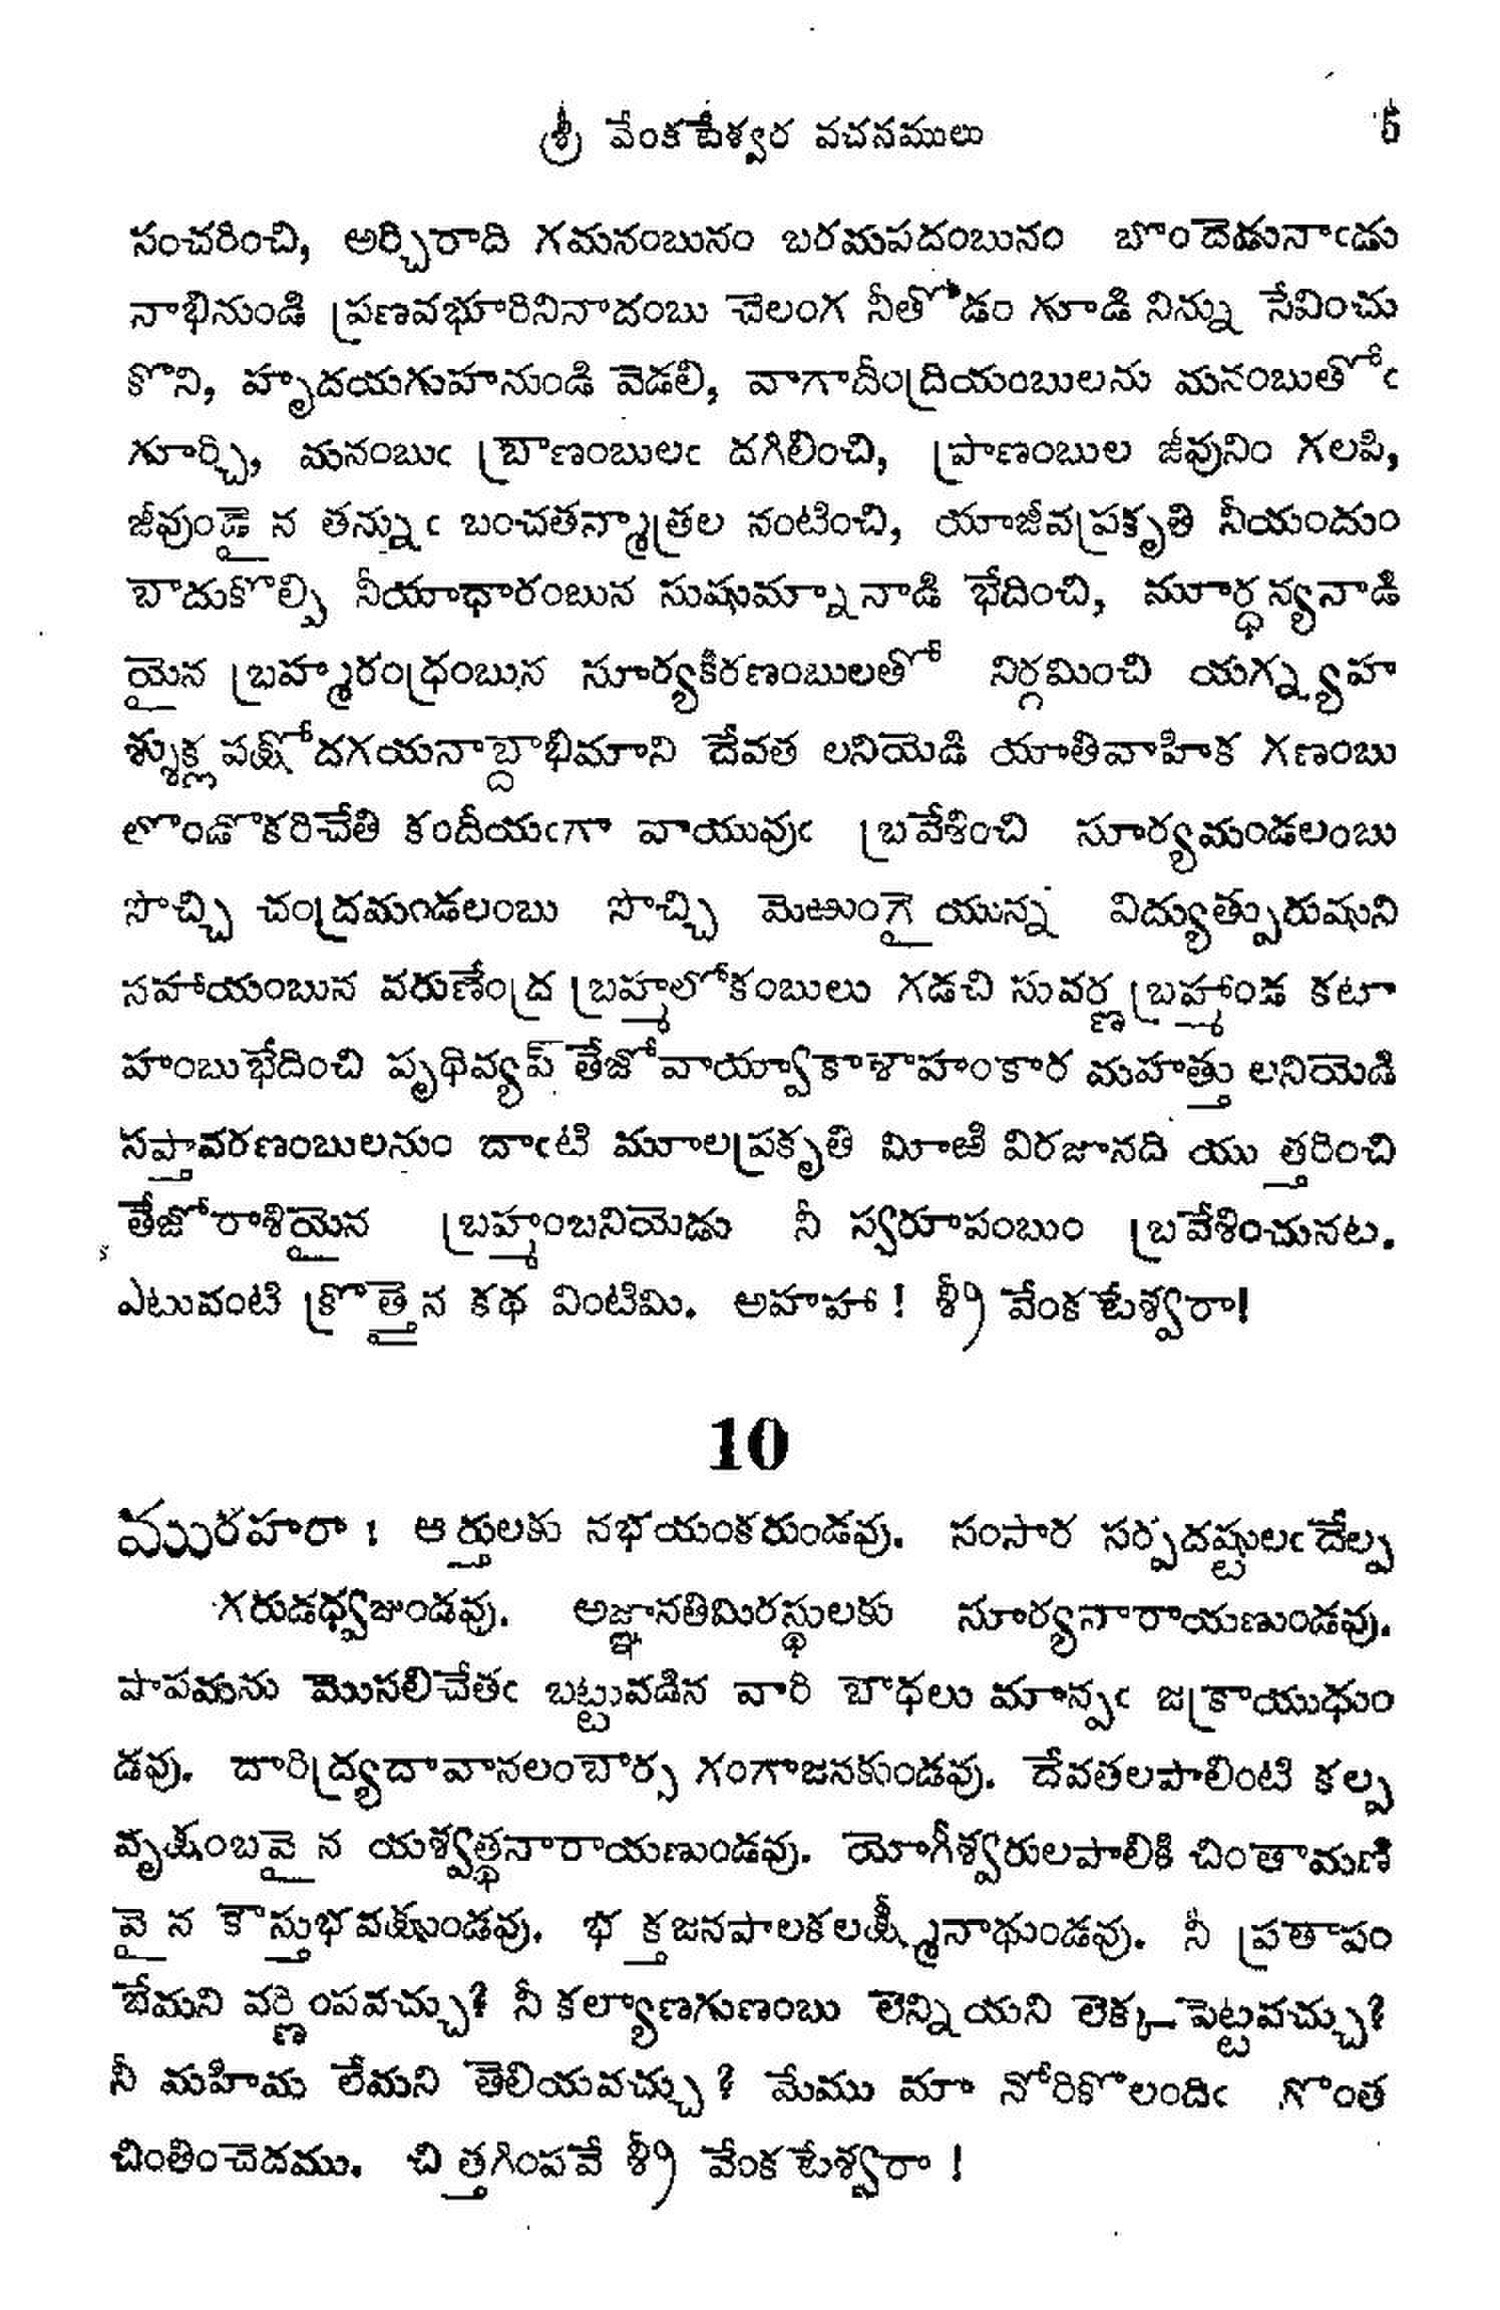సంచరించి, అర్చిరాది గమనంబునం బరమపదంబునం బొందెడునాఁడు నాభినుండి ప్రణవభూరినినాదంబు చెలంగ నీతోడం గూడి నిన్ను సేవించుకొని, హృదయగుహనుండి వెడలి, వాగాదీంద్రియంబులను మనంబుతోఁ గూర్చి, మనంబుఁ బ్రాణంబులఁ దగిలించి, ప్రాణంబుల జీవునిం గలపి, జీవుండైన తన్నుఁ బంచతన్మాత్రల నంటించి, యాజీవప్రకృతి నీయందుం బాదుకొల్పి నీయాధారంబున సుషుమ్నానాడి భేదించి, మూర్ధన్యనాడియైన బ్రహ్మరంధ్రంబున సూర్యకిరణంబులతో నిర్గమించి యగ్న్యహ శ్శుక్లపక్షోదగయనాబ్దాభిమాని దేవత లనియెడి యాతివాహిక గణంబులొండొకరిచేతి కందీయఁగా వాయువుఁ బ్రవేశించి సూర్యమండలంబు సొచ్చి చంద్రమండలంబు సొచ్చి మెఱుంగైయున్న విద్యుత్పురుషుని సహాయంబున వరుణేంద్ర బ్రహ్మలోకంబులు గడచి సువర్ణబ్రహ్మాండ కటాహంబుభేదించి పృథివ్యప్‌తేజోవాయ్వాకాశాహంకార మహత్తు లనియెడి సప్తావరణంబులనుం దాఁటి మూలప్రకృతి మీఱి విరజానది యుత్తరించి తేజోరాశియైన బ్రహ్మంబనియెడు నీ స్వరూపంబుం బ్రవేశించునట. ఎటువంటి క్రొత్తైన కథ వింటిమి. అహహా ! శ్రీ వేంకటేశ్వరా!

10 

రహరా ! ఆర్తులకు నభయంకరుండవు. సంసార సర్పదష్టులఁదేల్ప గరుడధ్వజుండవు. అజ్ఞానతిమిరస్థులకు సూర్యనారాయణుండవు. పాపమను మొసలిచేతఁ బట్టువడిన వారి బాధలు మాన్పఁ జక్రాయుధుండవు. దారిద్య్రదావానలంబార్ప గంగాజనకుండవు. దేవతలపాలింటి కల్పవృక్షంబవైన యశ్వత్థనారాయణుండవు. యోగీశ్వరులపాలికి చింతామణివైన కౌస్తుభవక్షుండవు. భక్తజనపాలకలక్ష్మీనాథుండవు. నీ ప్రతాపం బేమని వర్ణింపవచ్చు? నీ కల్యాణగుణంబు లెన్నియని లెక్కపెట్టవచ్చు? నీ మహిమ లేమని తెలియవచ్చు? మేము మా నోరికొలందిఁ గొంత చింతించెదము. చిత్తగింపవే శ్రీ వేంకటేశ్వరా !